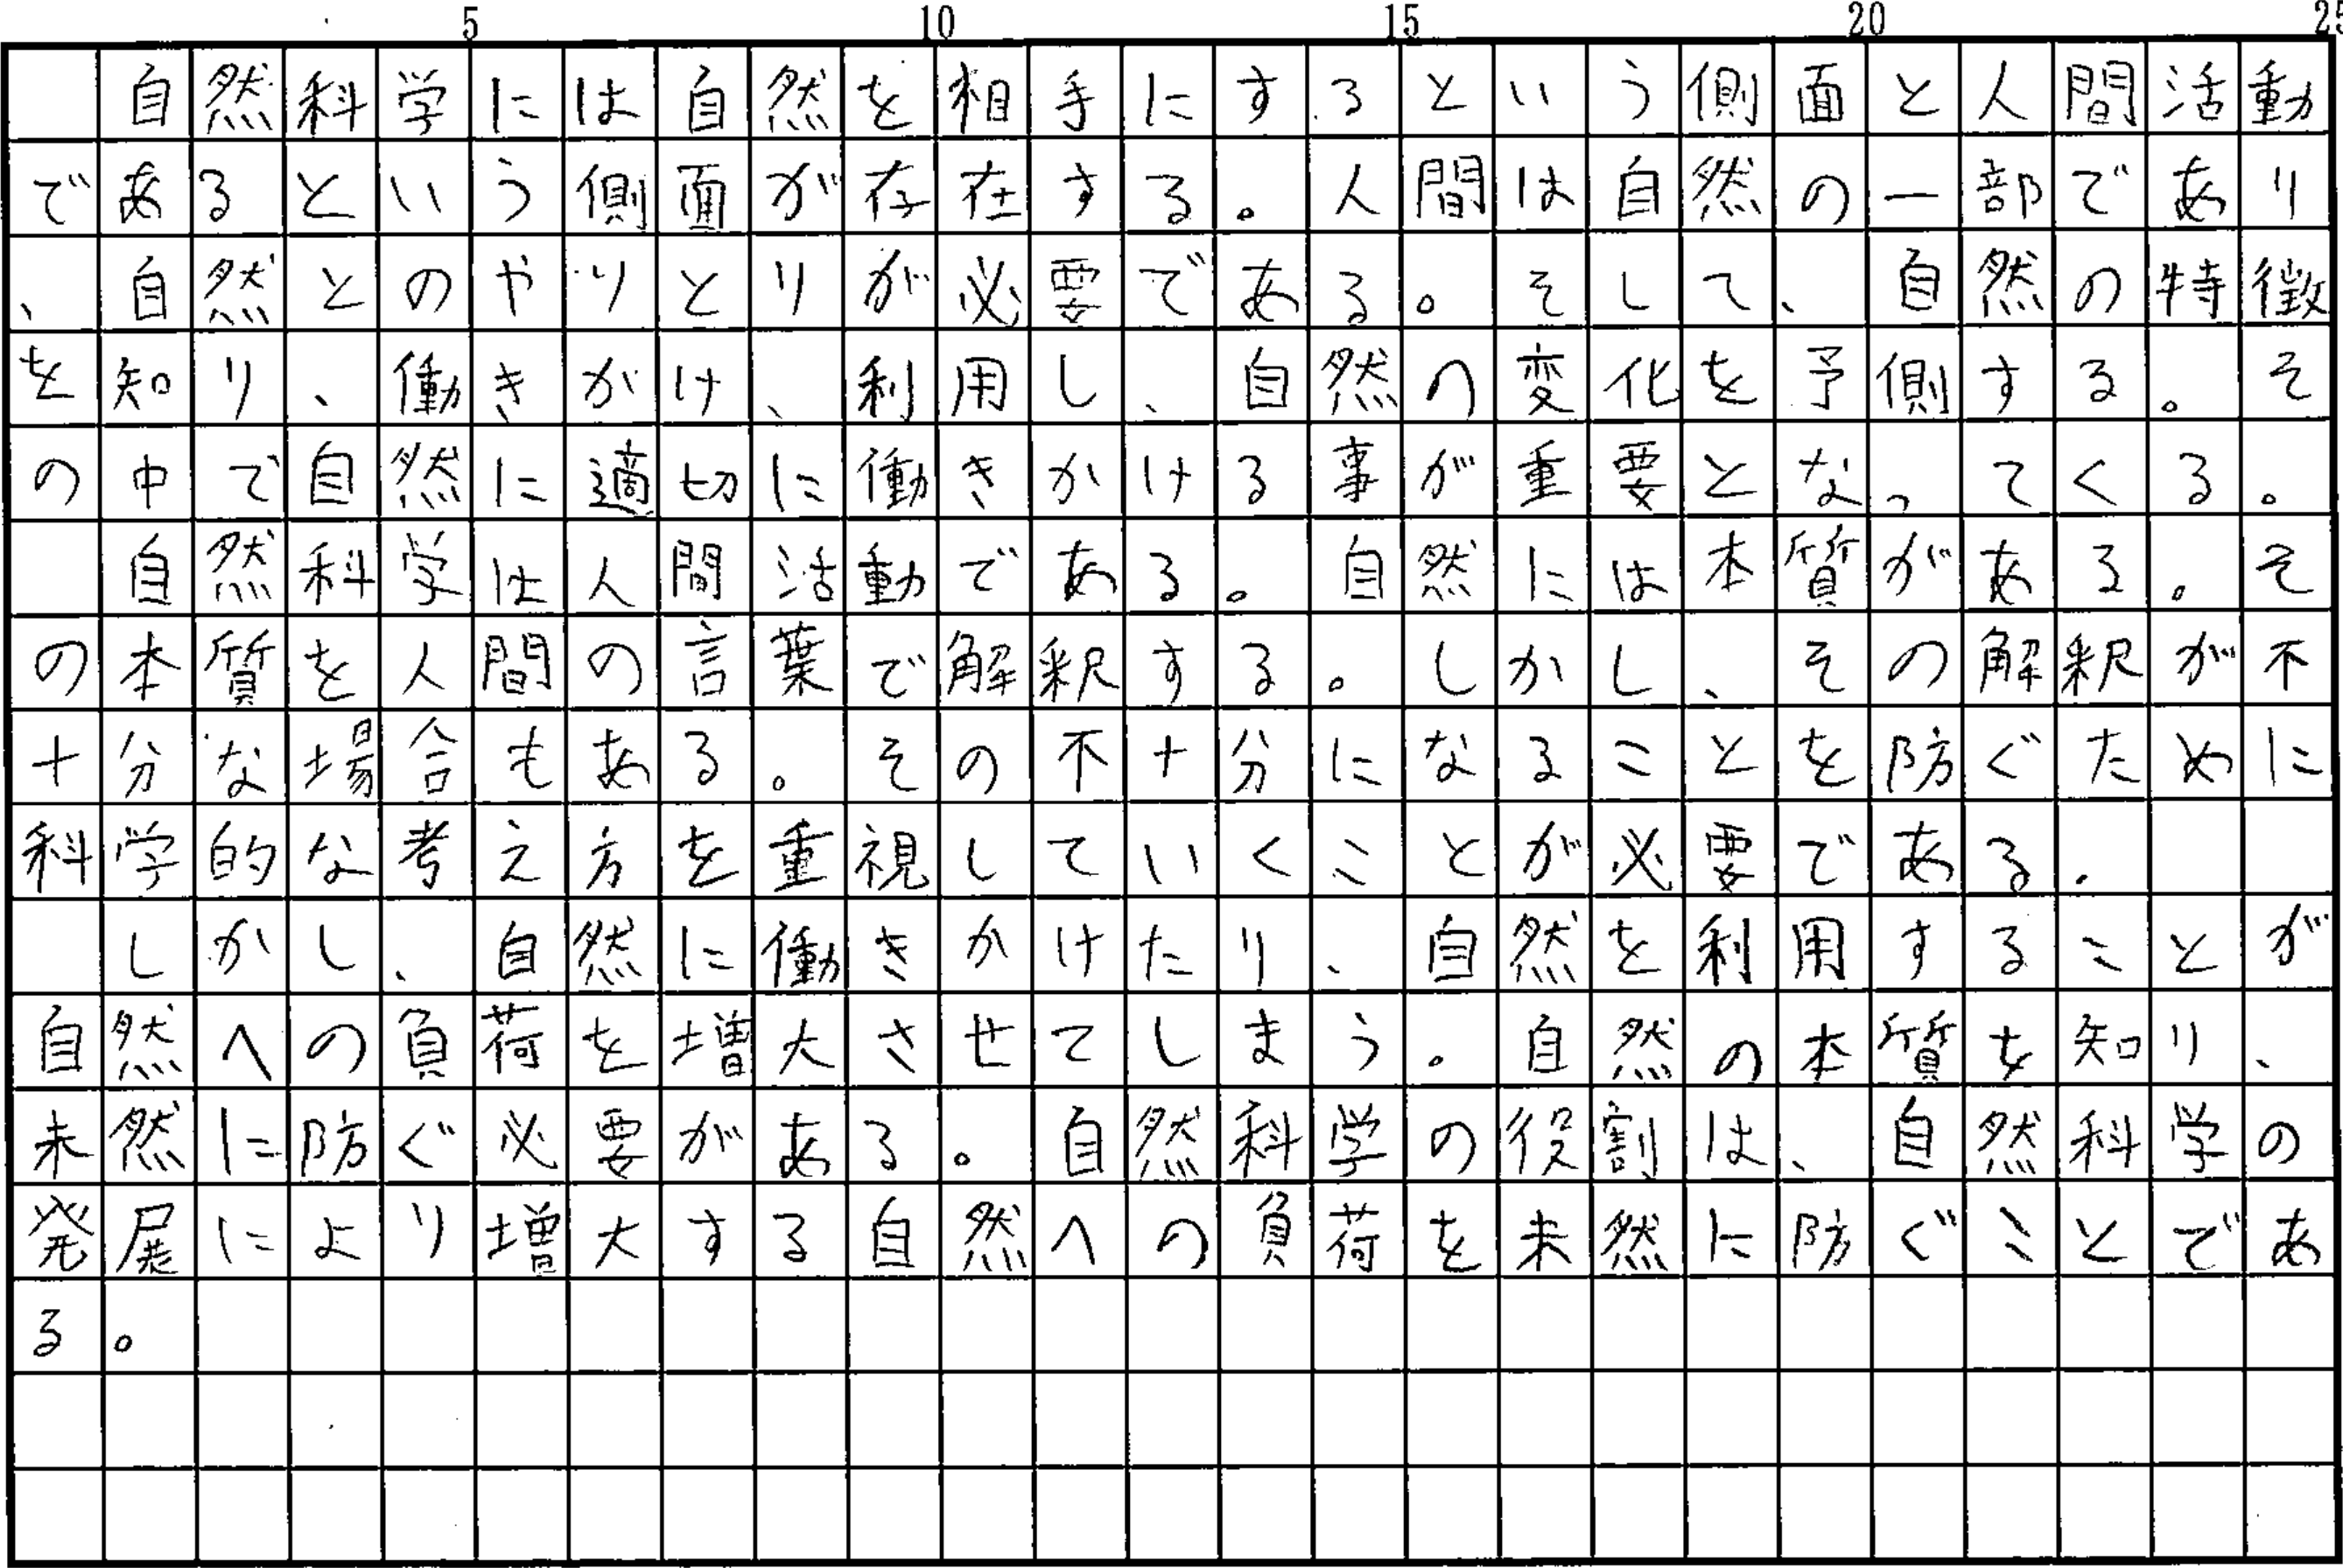　自然科学には自然を相手にするという側面と人間活動であるという側面が存在する。人間は自然の一部であり、自然とのやりとりが必要である。そして、自然の特徴を知り、働きかけ、利用し、自然の変化を予側する。その中で自然に適切に働きかける事が重要となってくる。
　自然科学は人間活動である。自然には本質がある。その本質を人間の言葉で解釈する。しかし、その解釈が不十分な場合もある。その不十分になることを防ぐために科学的な考え方を重視していくことが必要である。
　しかし、自然に働きかけたり、自然を利用することが自然への負荷を増大させてしまう。自然の本質を知り、未然に防ぐ必要がある。自然科学の役割は、自然科学の発展により増大する自然への負荷を未然に防ぐことである。
